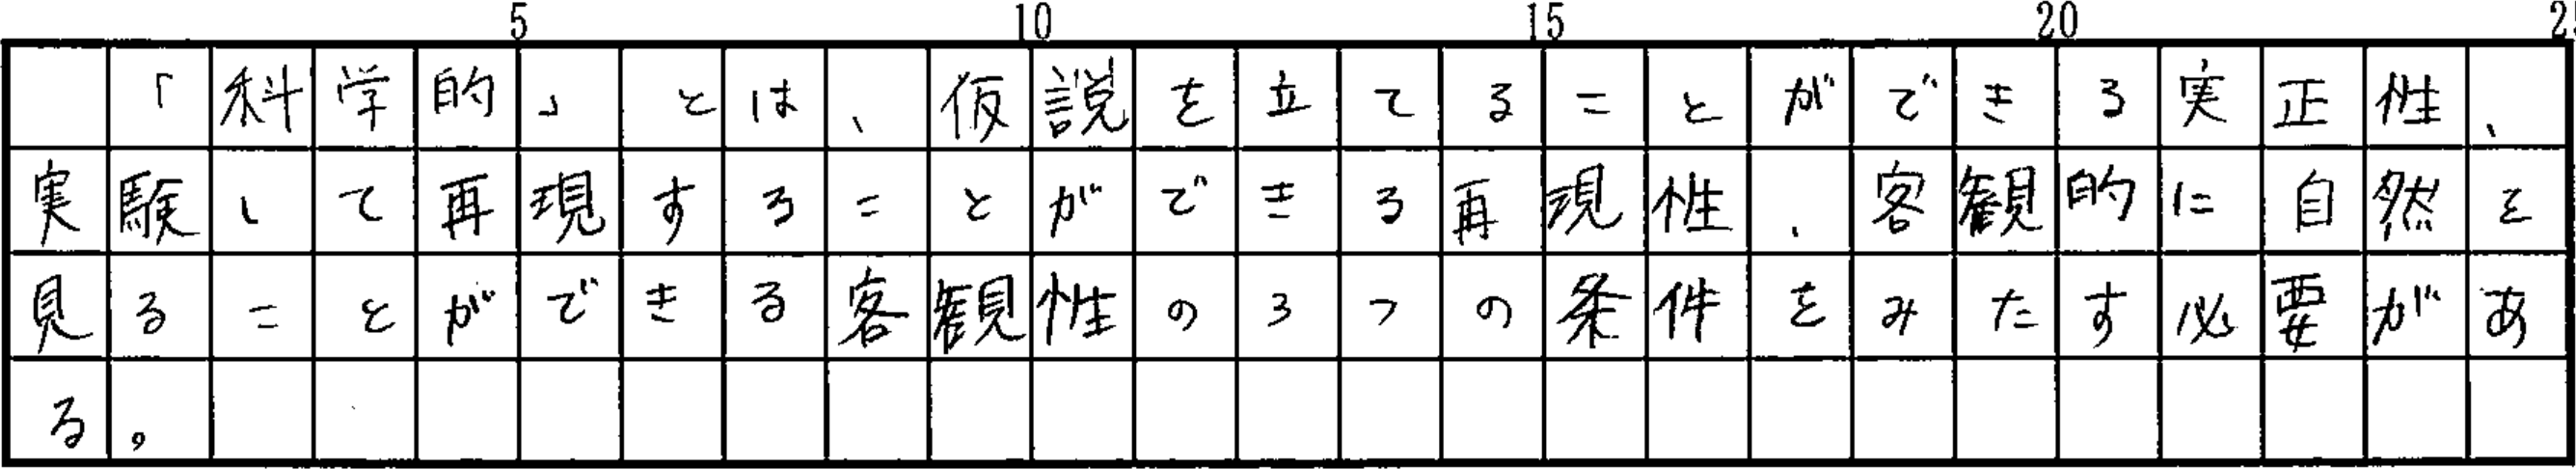　「科学的」とは、仮説を立てることができる実正性、実験して再現することができる再現性、客観的に自然を見ることができる客観性の３つの条件をみたす必要がある。
